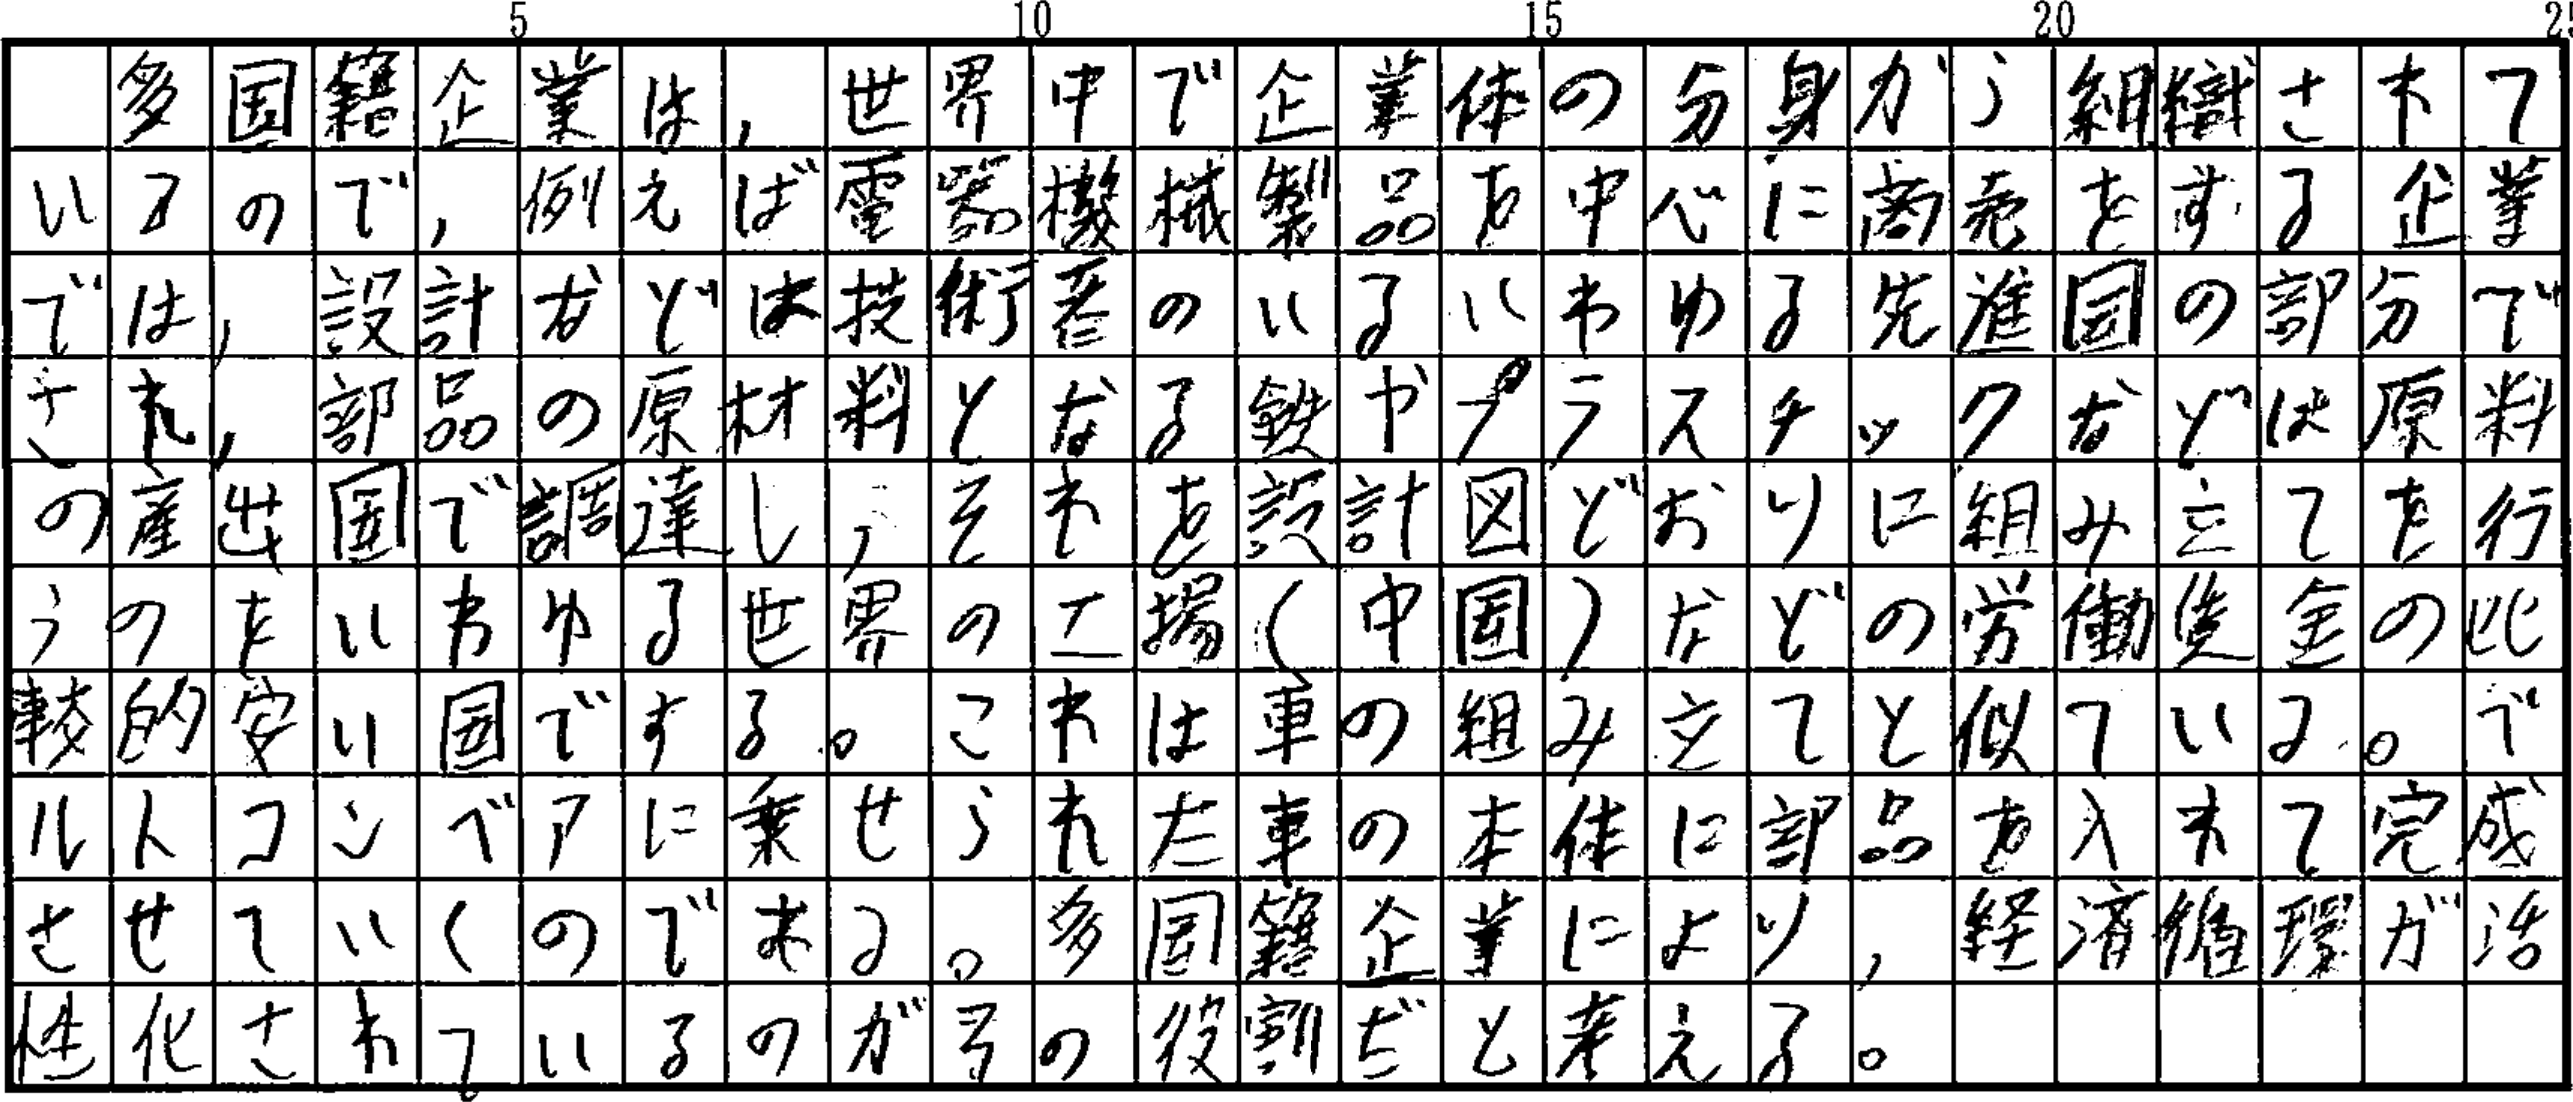　多国籍企業は、世界中で企業体の分身から組織されているので、例えば電器機械製品を中心に商売をする企業では、設計などは技術者のいるいわゆる先進国の部分でされ、部品の原材料となる鉄やプラスチックなどは原料の産出国で調達し、それを設計図どおりに組み立てを行うのをいわゆる世界の工場（中国）などの労働賃金の比較的安い国でする。これは車の組み立てと似ている。ベルトコンベアに乗せられた車の本体に部品を入れて完成させていくのである。多国籍企業により、経済循環が活性化されているのがその役割だと考える。
